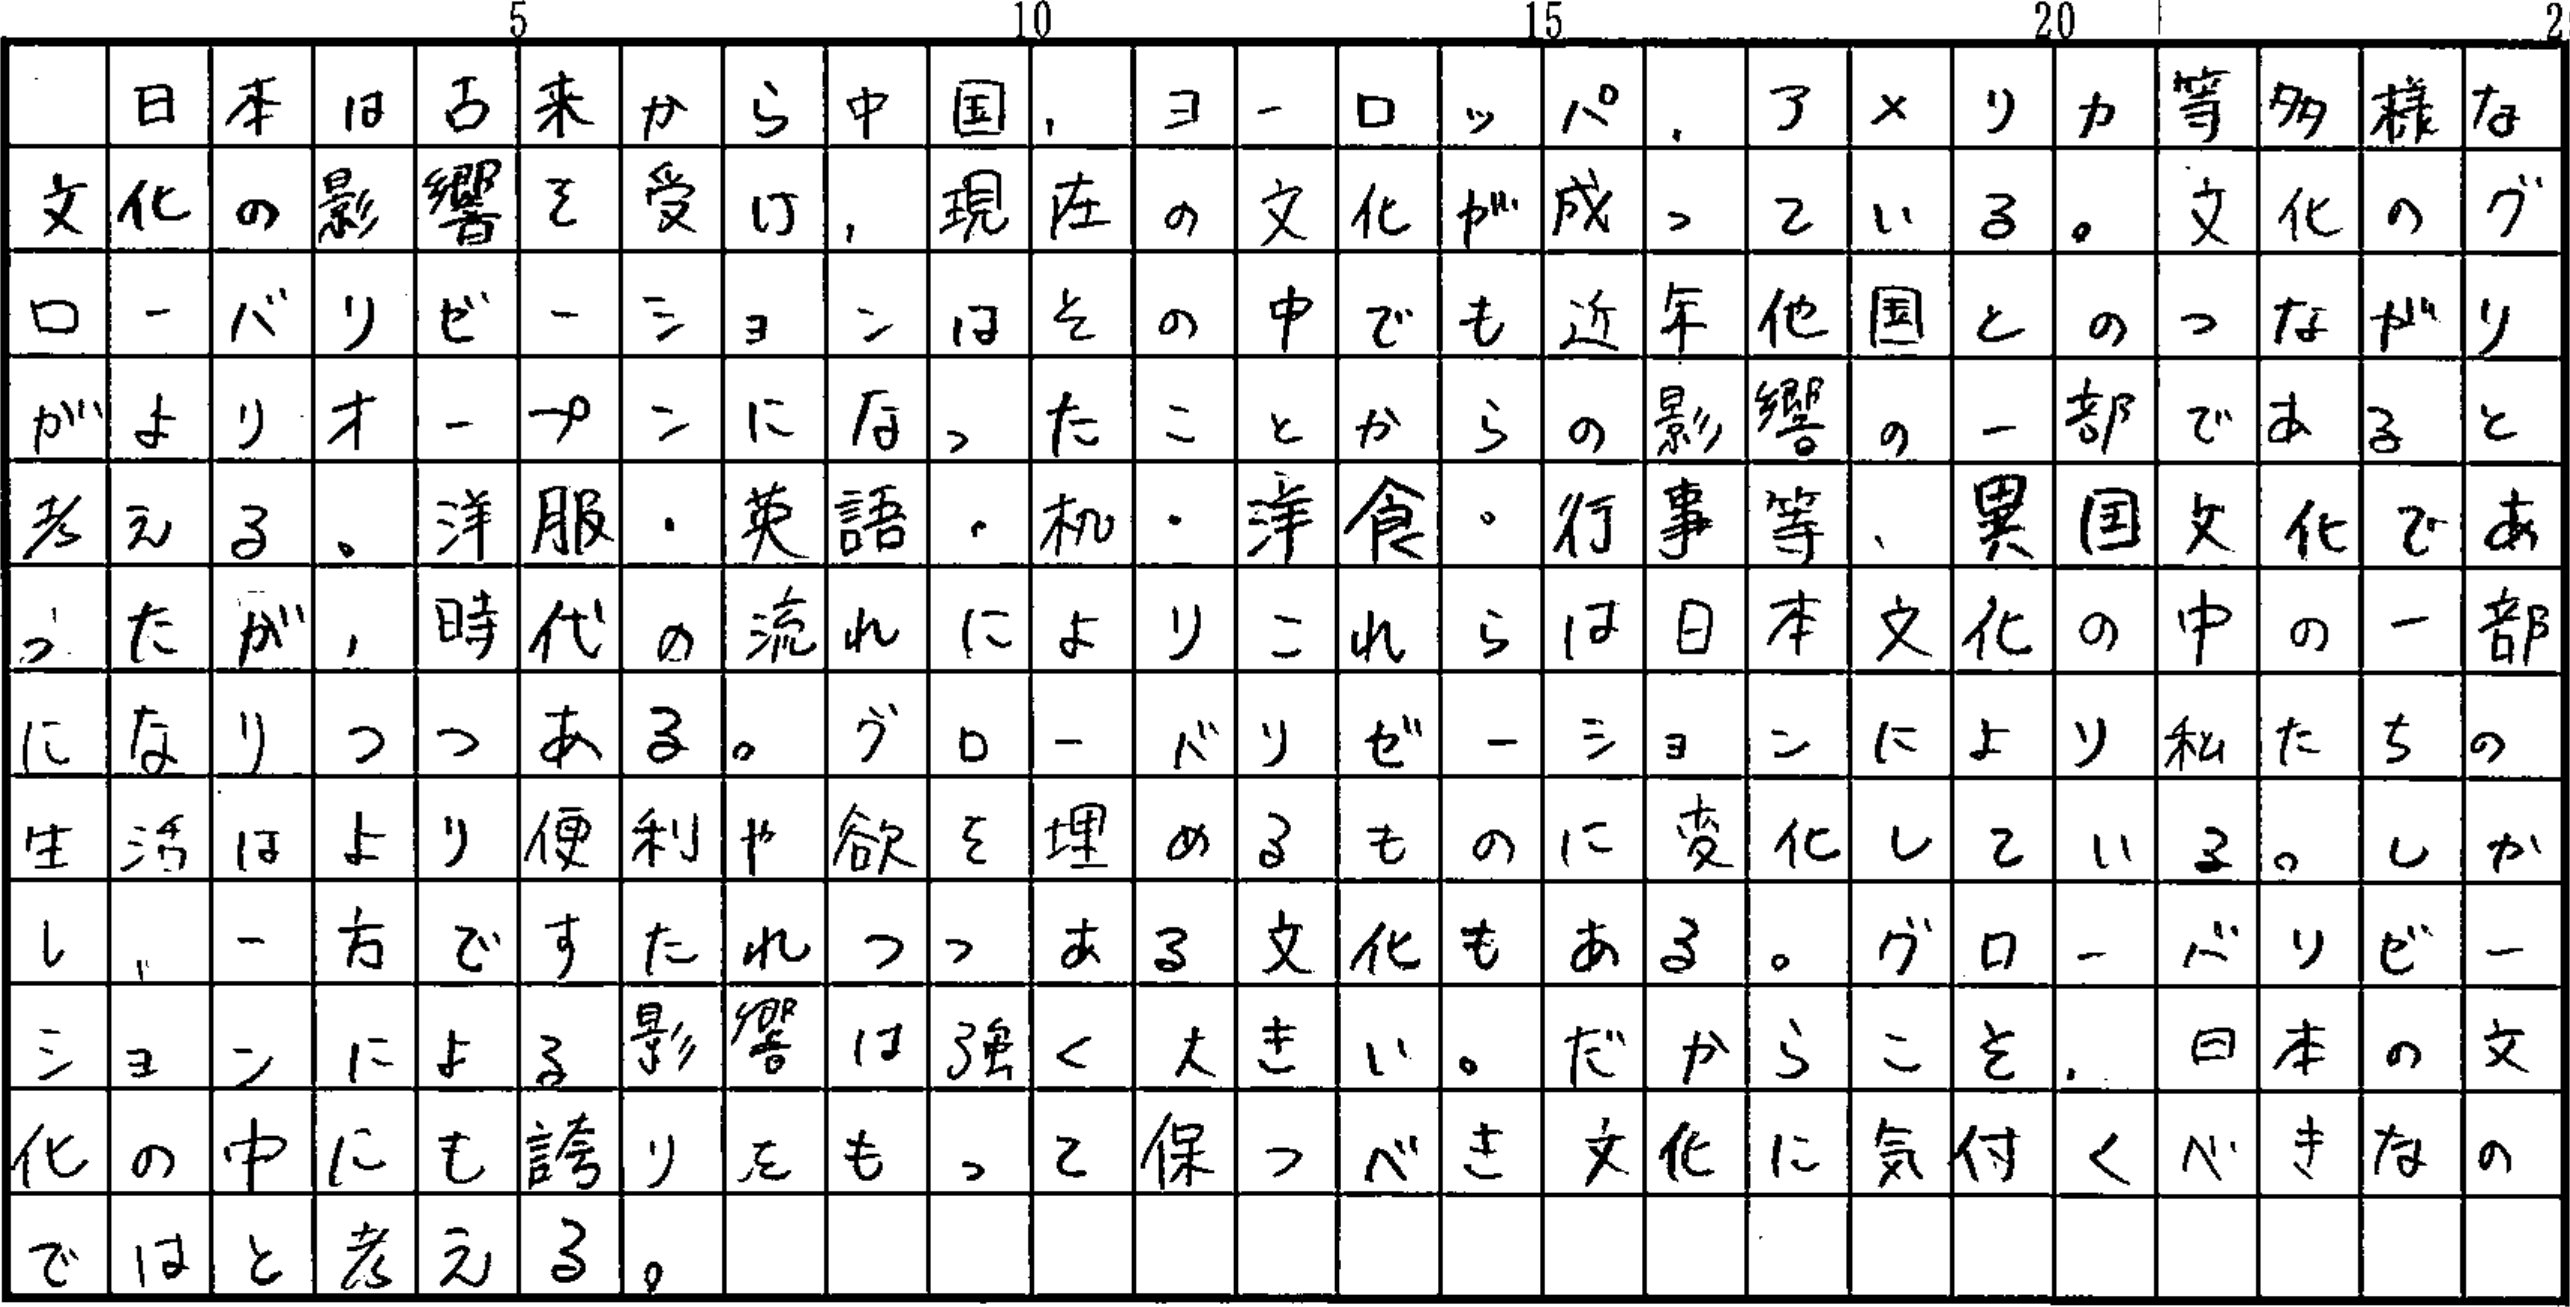　日本は古来から中国、ヨーロッパ、アメリカ等多様な文化の影響を受け、現在の文化が成っている。文化のグローバリゼーションはその中でも近年他国とのつながりがよりオープンになったことからの影響の一部であると考える。洋服・英語・机・洋食・行事等、異国文化であったが、時代の流れによりこれらは日本文化の中の一部になりつつある。グローバリゼーションにより私たちの生活はより便利や欲を埋めるものに変化している。しかし、一方ですたれつつある文化もある。グローバリゼーションによる影響は強く大きい。だからこそ、日本の文化の中にも誇りをもって保つべき文化に気付くべきなのではと考える。
